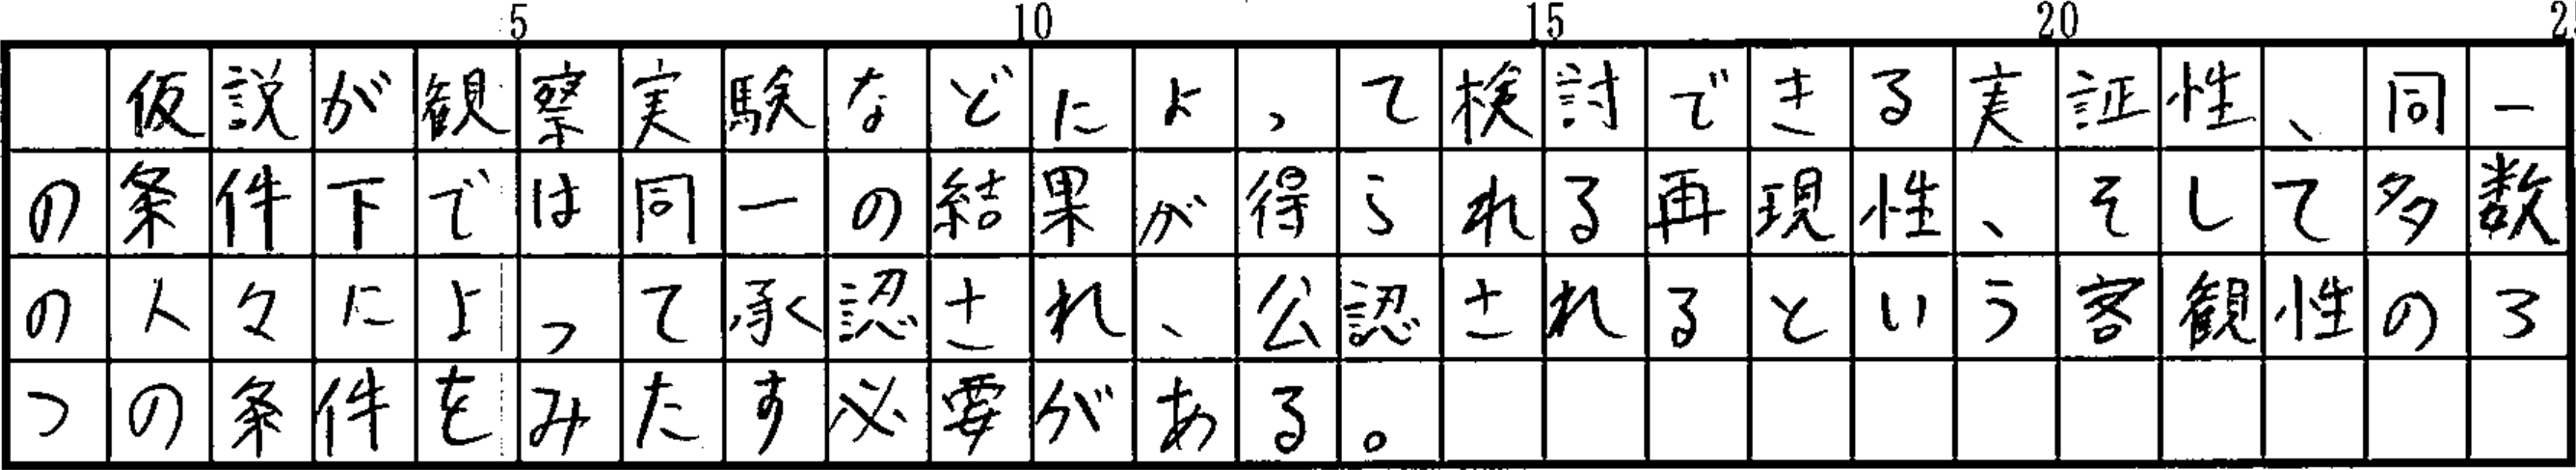　仮説が観察実験などによって検討できる実証性、同一の条件下では同一の結果が得られる再現性、そして多数の人々によって承認され、公認されるという客観性の３つの条件を満たす必要がある。
